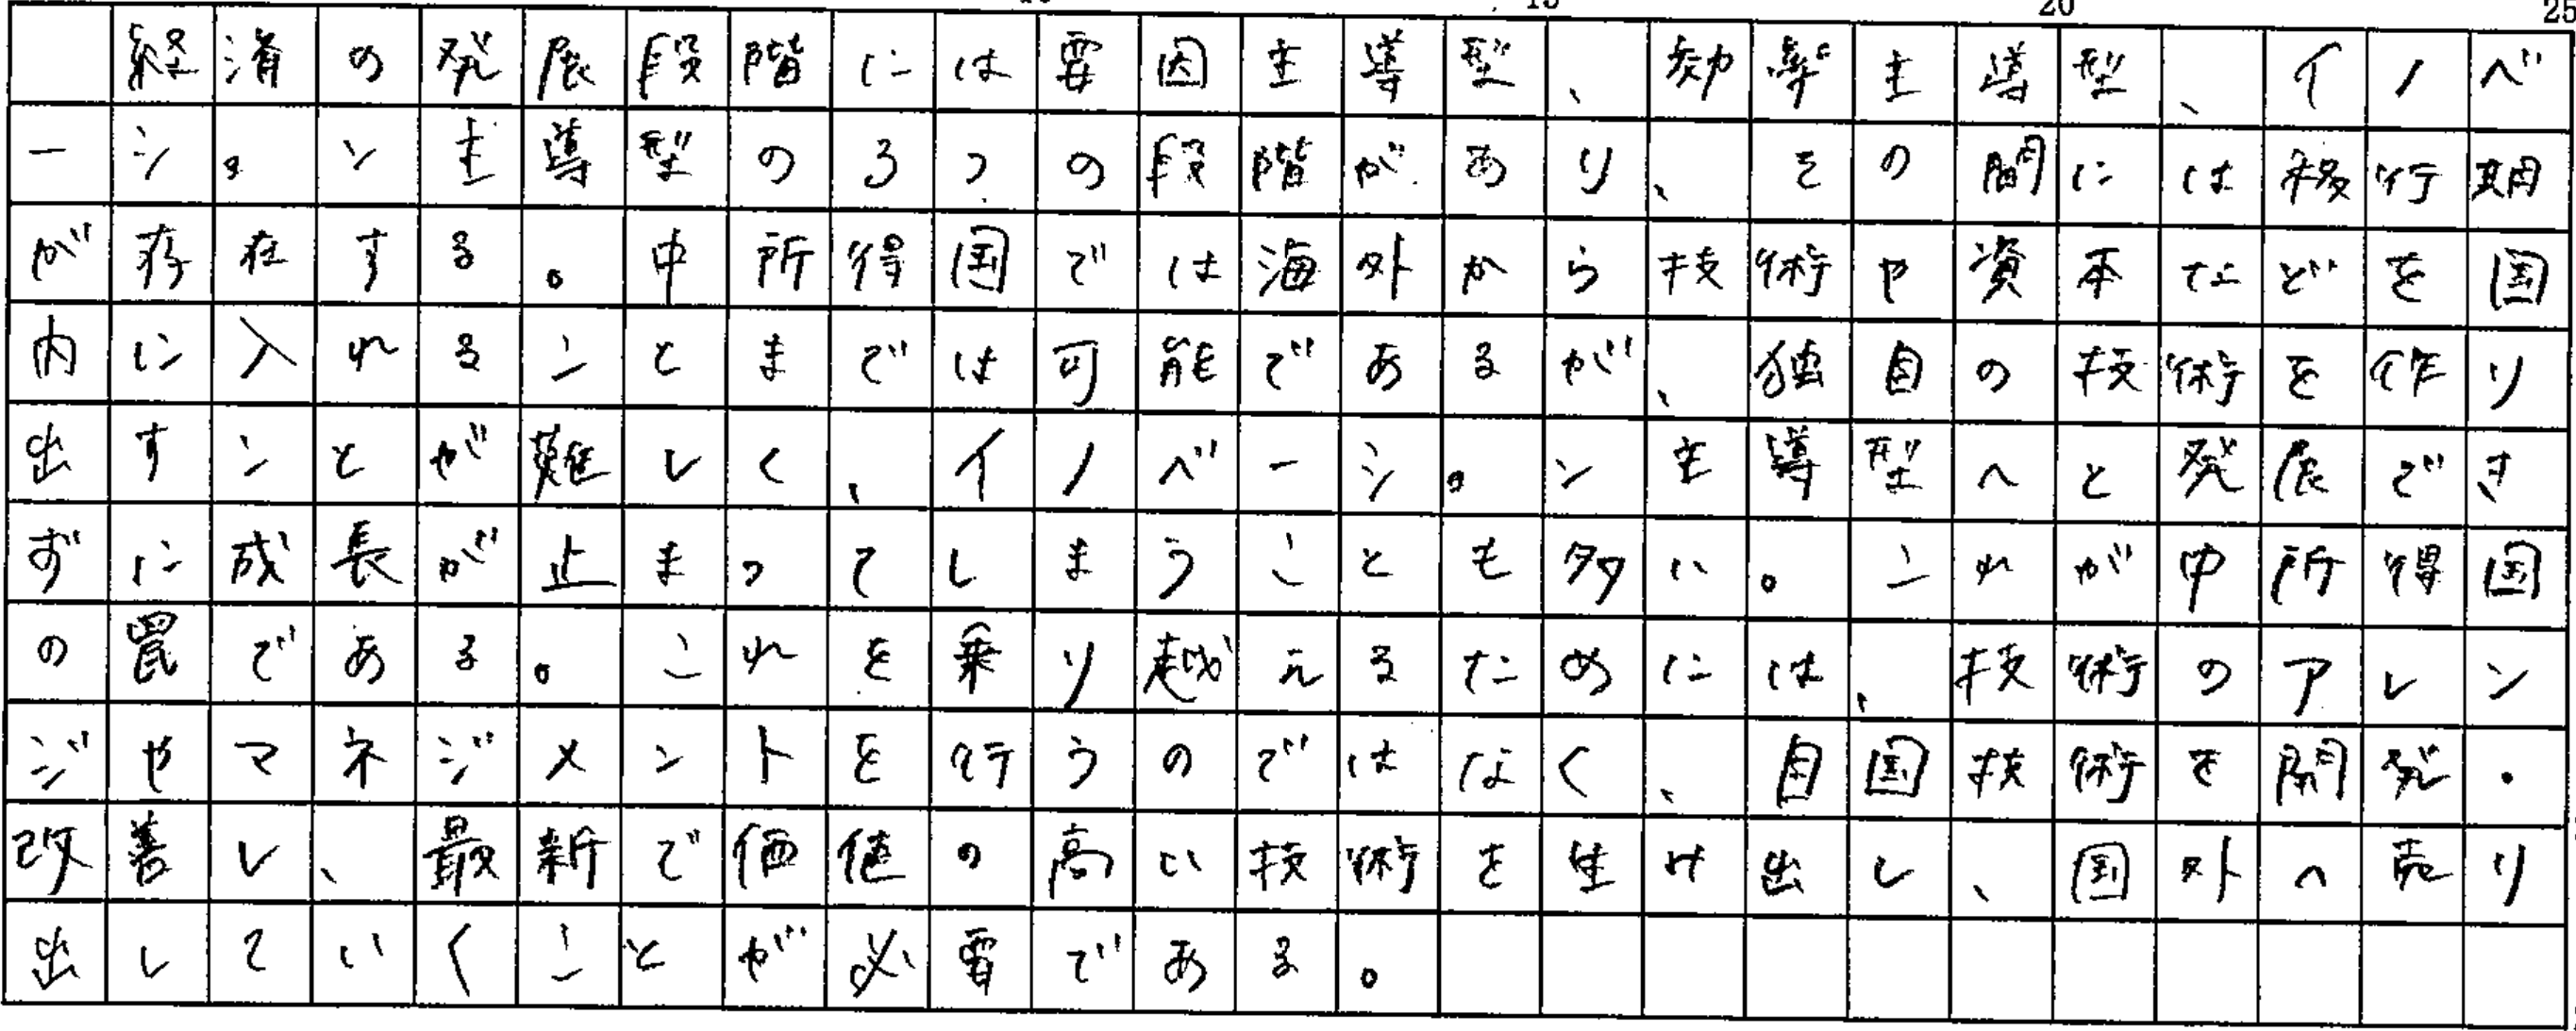　経済の発展段階には要因主導型、効率主導型、イノベーション主等型の３つの段階があり、その間には移行期が存在する。中所得国では海外から技術や資本などを国内に入れることまでは可能であるが、独自の技術を作り出すことが難しく、イノベーション主導型へと発展できずに成長が止まってしまうことも多い。これが中所得国の罠である。これを乗り越えるためには、技術のアレンジやマネジメントを行うのではなく、自国技術を開発・改善し、最新で価値の高い技術を生み出し、国外へ売り出していくことが必要である。
